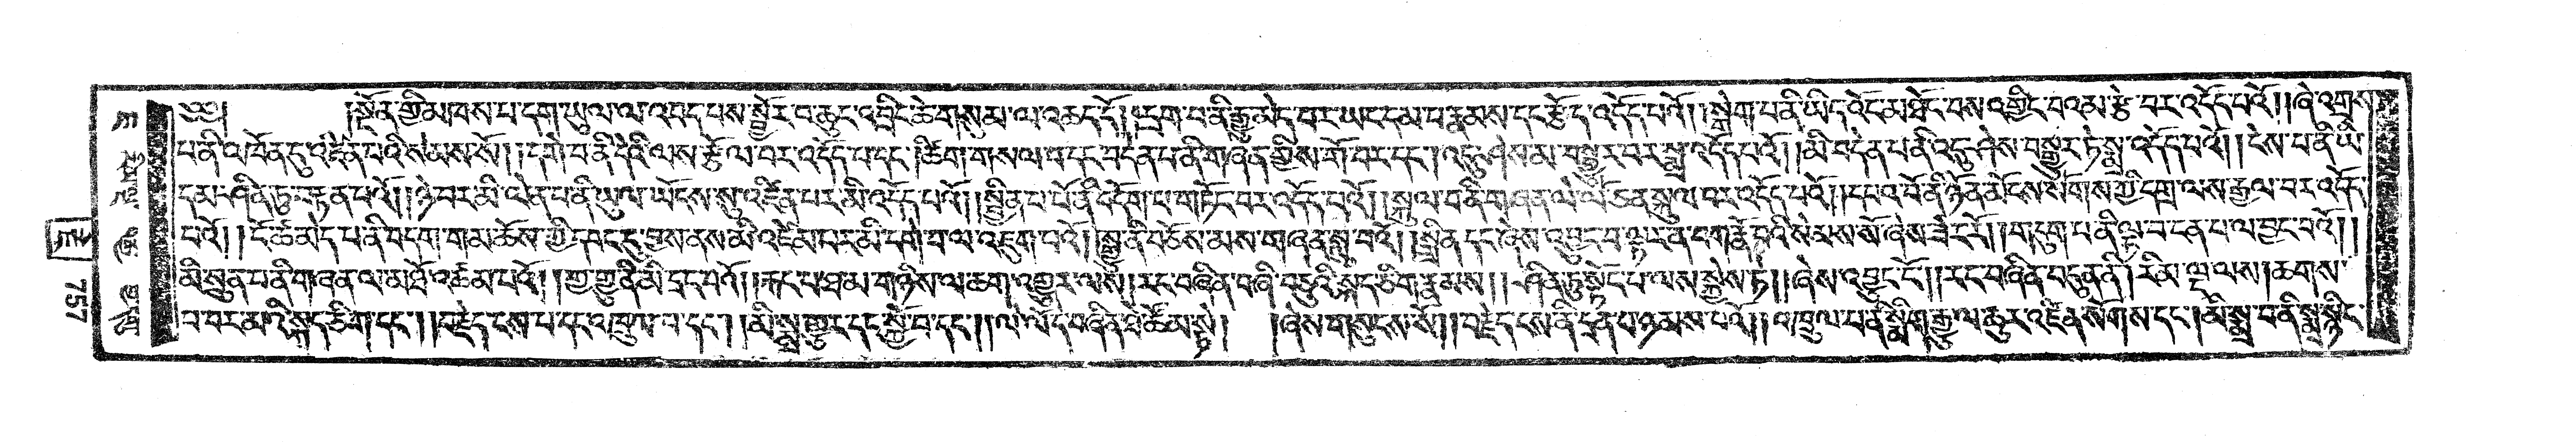༄༅། །སྔོན་གྱི་མཁས་པ་དག་ཡུལ་ལ་འབད་པས་སྦྱོར་བ་ཆུང་འབྲིང་ཆེ་གསུམ་ལ་འཆད་དོ། །དྲག་པ་ནི་རྒྱུ་མེད་པར་ཡང་དམ་པ་རྣམས་དང་རྩོད་འདོད་པའོ། །སྒེག་པ་ནི་ཡིད་འོང་མཐོང་བས་འགྱིང་བའམ་རྩེ་བར་འདོད་པའོ། །ཞེ་འགྲས་
པ་ནི་འཁོན་དུ་འཛིན་པའི་སེམས་སོ། །དགེ་བ་ནི་དེའི་ལས་རྩོལ་བར་འདོད་པ་དང་། ཚིག་གསལ་བ་དང་བདེན་པ་ནི་གཞན་གྱིས་གོ་བར་དང་། འདུ་ཤས་མ་བསྒྱུར་བར་སྨྲ་འདོད་པའོ། །མི་བདེན་པ་ནི་འདུ་ཤེས་བསྒྱུར་ཏེ་སྨྲ་འདོད་པའོ། །ངེས་པ་ནི་ཡི་
དམ་ཤིན་ཏུ་བརྟན་པའོ། །ཉེ་བར་མི་ལེན་པ་ནི་ཡུལ་ཡོངས་སུ་འཛིན་པར་མི་འདོད་པའོ། །སྤྱིན་པ་པོ་ནི་བདོག་པ་གཏོང་བར་འདོད་པའོ། །སྐུལ་བ་ནི་གཞན་ལེ་ལོ་ཅན་སྐུལ་བར་འདོད་པའོ། །དཔའ་བོ་ནི་ཉོན་མོངས་སོགས་ཀྱི་དགྲ་ལས་རྒྱལ་བར་འདོད་
པའོ། །ངོ་ཚ་མེད་པ་ནི་བདག་གམ་ཆོས་ཀྱི་དབང་དུ་བྱས་ནས་མི་འཛོམ་པར་མི་དགེ་བ་ལ་འཇུག་པའོ། །སྒྱུ་ནི་བཅོས་མས་གཞན་སླུ་བའོ། །སྒྲིན་དང་ཞེས་འབྱུང་བ་ལྟར་ནི་བག་རྣོ་བའི་སེམས་སོ་ཞེས་ཟེར་རོ། །གདུག་པ་ནི་ལྟ་བ་ངན་པ་ལ་བྱང་བའོ། །
མི་སྲུན་པ་ནི་གཞན་ལ་མཐོ་འཚམ་པའོ། །གྱ་གྱུ་ནི་མི་དྲང་བའོ། །རྐང་པ་ཐ་མ་གཉིས་ལ་ཆག་འགྱུར་ལས། རང་བཞིན་བཞི་བཅུའི་སྐད་ཅིག་རྣམས། །ཤིན་ཏུ་སྟོང་པ་ལས་སྐྱེས་ཏེ། །ཞེས་འབྱུང་ངོ། །རང་བཞིན་བདུན་ནི། རིམ་ལྔ་ལས། ཆགས་
པ་བར་མའི་སྐད་ཅིག་དང་། །བརྗེད་ངས་པ་དང་འཁྲུལ་པ་དང་། །མི་སྨྲ་གྱུར་དང་སྐྱོ་བ་དང་། །ལེ་ལོ་དེ་བཞིན་ཐེ་ཚོམ་སྟེ། །ཞེས་གསུངས་སོ། །བརྗེད་ངས་ནི་དྲན་པ་ཉམས་པའོ། །འཁྲུལ་པ་ནི་སྨིག་རྒྱུ་ལ་ཆུར་འཛིན་སོགས་དང་། མི་སྨྲ་བ་ནི་སྨྲ་སྙིང་